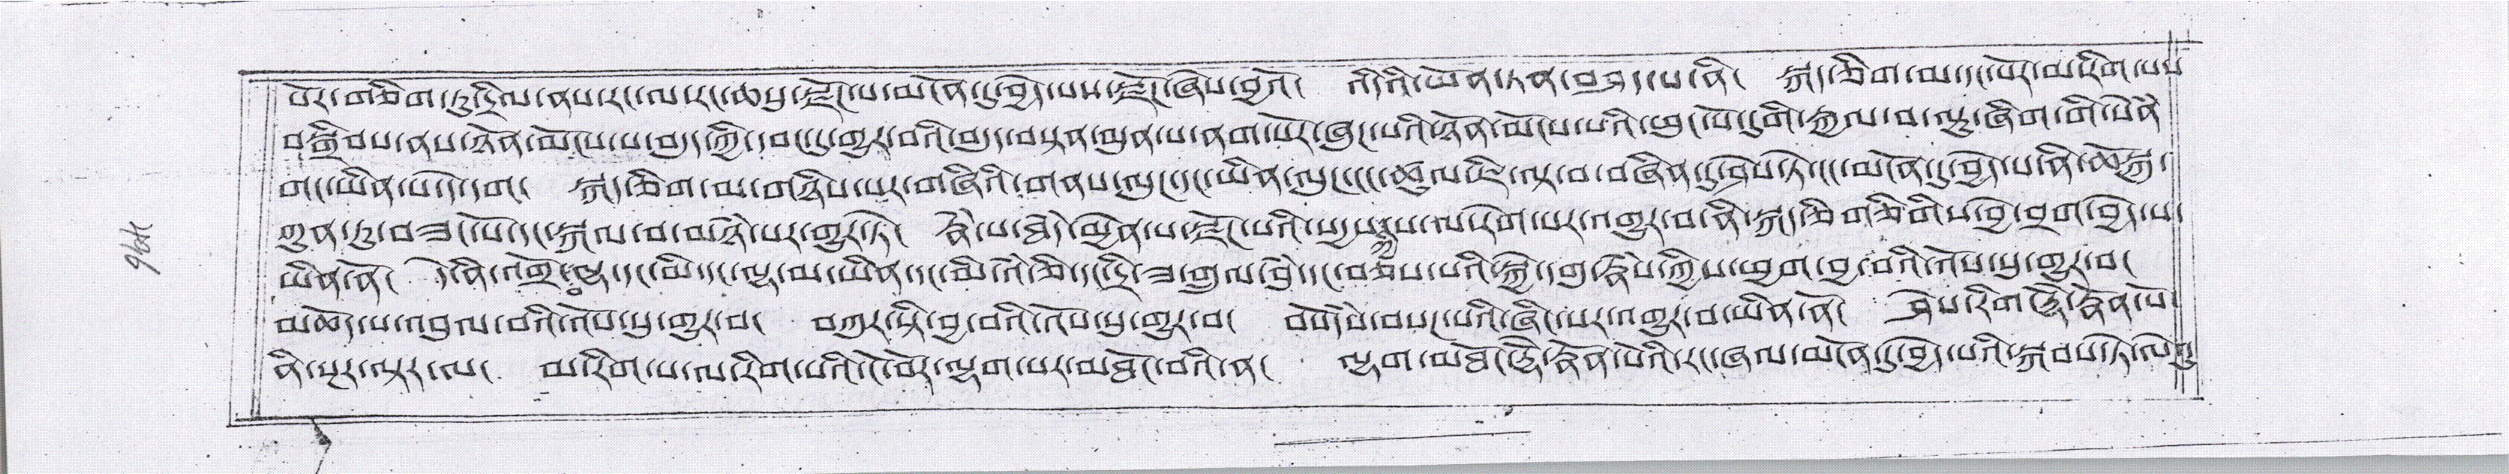པོར་གཅིག་ཏུ་དྲིལ་ནས་རང་ལ་རང་ཆས་སུ་རྫོགས་པ་མངོན་དུ་བྱེད་པས་རྫོགས་ཞེས་བྱའོ། འདིའི་ཡོན་ཏན་བཤད་པ་ནི། སྐད་ཅིག་མ་དང་པོར་མ་རིག་པས་
བསྒྲིབས་ནས་ཉོན་མོངས་པ་བདུད་ཀྱི་དབང་དུ་གྱུར་པས་བདུད་བསྟན་མུན་པ་ནག་པོར་ཞུགས་པའི་ཉོན་མོངས་པའི་ཕུང་པོ་དྲུག་གི་རྐྱལ་པ་ལྟ་བུ་ཞིག་གི་སེམས་ཅན་
གང་ཡིན་པ་དེ་དག། སྐད་ཅིག་མ་གཉིས་པར་གཞིའི་གནས་ལུགས་དང་ཡིན་ལུགས་ངང་ཚུལ་ཇི་ལྟ་བ་བཞིན་དུ་ཤེས་ཏེ་ངང་མངོན་དུ་བྱེད་པ་ནི་ཆོས་སྐུ་
ཀུན་ཏུ་བཟང་པོ་སྐལ་པ་མཉམ་པར་གྱུར་ཏེ། རྣམ་པ་ཐམས་ཅད་མཁྱེན་པ་རྫོགས་པའི་སངས་རྒྱས་ཀྱི་ས་ལ་རེག་པར་འགྱུར་བ་ནི་སྐད་ཅིག་གཅིག་གིས་བྱེ་བྲག་བྱེད་པ་
ཡིན་ནོ། དེ་ནི་འགྲོ་བ་ལྷ་དང་མི་དང་ལྷ་མ་ཡིན་དང་མིའམ་ཅི་དང་དྲི་ཟ་གྲུལ་བུམ་དང་བཅས་པའི་སྐྱེ་རྒུ་རྣམས་ཀྱིས་ཕྱག་བྱ་བའི་འོས་སུ་གྱུར་པ། 
མཆོད་པ་འབུལ་བའི་འོས་སུ་གྱུར་པ། བཀུར་སྟི་བྱ་བའི་འོས་སུ་གྱུར་པ། བསོད་ནམས་བསགས་པའི་ཞིང་སར་འགྱུར་བ་ཡིན་ནོ། ཤེས་རིག་རྡོ་རྗེ་རྣོན་པོ་
ནི་སྔར་ལྟར་ལ། མ་རིག་པ་ལ་རིག་པའི་ངོ་བོ་ལྷག་པར་མཐོང་བས་ན། ལྷག་མཐོང་རྡོ་རྗེ་རྣོན་པོའི་རང་ཞལ་མངོན་དུ་བྱེད་པའི་སྐབས་ཏེ་ལེའུ་